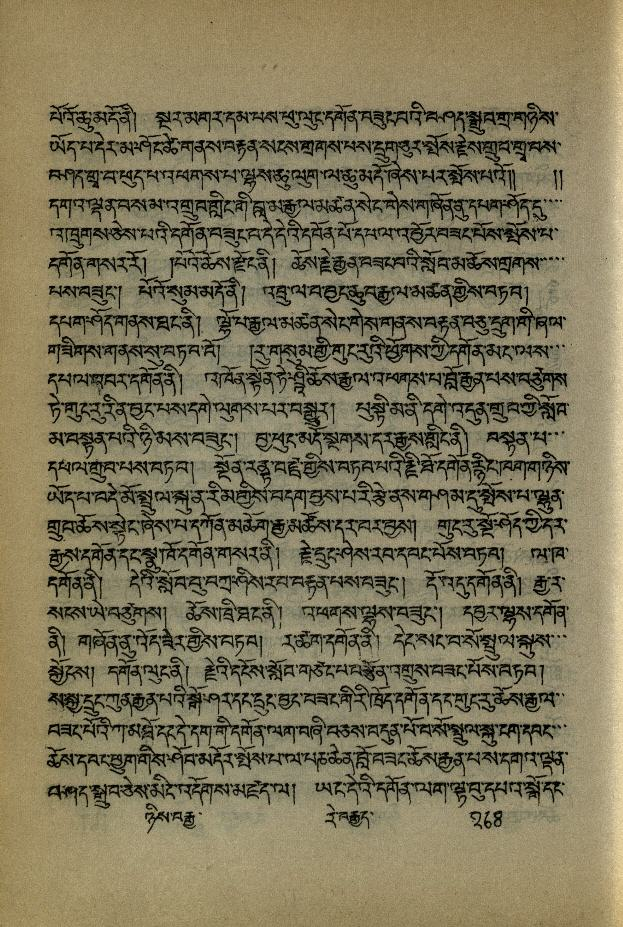པོའོ་ཆུ་མདོ་ནི། སྔར་མགར་དམ་པས་ཕུ་ལུང་དགོན་བཟུང་བའི་བཤད་སྒྲུབ་གྲ་གཉིས་
ཡོད་པ་དེར་མ་ཤོང་ཚེ་གནས་བརྟན་སངས་གྲགས་པས་དྲུག་ཅུར་སྤོས་རྗེས་གྲུབ་གྲྭ་བས་
བཤད་གྲྭ་བ་ཕུད་པ་འཕགས་པ་ལྷས་ཆུ་ལུག་ལ་ཆུ་མདོ་ཞེས་པར་སྤོས་པའོ།། །།
དགའ་ལྡན་བསམ་འགྲུབ་གླིང་གི་བླ་མ་རྒྱལ་མཚན་སེང་གེས་གཞོན་ནུ་དཔག་ཤོད་དུ་
འཁྲུགས་ཅེས་པའི་དགོན་བཟུང་བ་དེ་དེའི་དབོན་པོ་དཔལ་འབྱོར་བཟང་པོས་སྤོས་པ་
དགོན་གསར་རོ། །པོའོ་ཆོས་རྫོང་ནི། ཆོས་རྗེ་རྒྱན་བཟང་བའི་སློབ་མ་ཆོས་གྲགས་
པས་བཟུང་། པོའོ་སུམ་མདོ་ནི། འབྲུ་ལ་བ་བྱང་ཆུབ་རྒྱལ་མཚན་གྱིས་བཏབ།
དཔག་ཤོད་གནས་ཐང་ནི། ལྷོ་པ་རྒྱལ་མཚན་སེང་གེས་གནས་བརྟན་བཅུ་དྲུག་གི་ཞལ་
གཟིགས་གནས་སུ་བཏབ་བོ། །རུ་གསུམ་གྱི་གུང་རུའི་ཕྱོགས་ཀྱི་དགོན་མང་ལས་
དཔལ་འབར་དགོན་ནི། འཁོན་སྟོན་ཏེ་ཤྲཱི་ཆོས་རྒྱལ་འཕགས་པ་བློ་རྒྱན་པས་བཙུགས་
ཏེ་གུང་རུ་རིན་བྱང་པས་དགེ་ལུགས་པར་བསྒྱུར། པུ་སྟི་མ་ནི་དགེ་འདུན་གྲུབ་ཀྱི་སློབ་
མ་བསྟན་པའི་ཉི་མས་བཟུང་། བྱ་ཕུང་མདོ་སྔགས་དར་རྒྱས་གླིང་ནི། བསྟན་པ་
དཔལ་གྲུབ་པས་བཏབ། སྔོན་རནྟ་བཛྲ་གྱིས་བཏབ་པའི་རྗི་ཐོ་དགོན་རྙིང་ཁག་གཉིས་
ཡོད་པ་བདེ་མོ་སྤྲུལ་སྐུ་ན་རིམ་གྱིས་བདག་བྱས་པ་རི་རྩེ་ནས་གཤམ་དུ་སྤོས་པ་ལྷུན་
གྲུབ་ཆོས་སྟེང་ཞེས་པ་དཀོན་མཆོག་རྒྱ་མཚོས་དར་བར་བྱས། གུང་རུ་སྔོ་ཤོད་ཀྱི་དར་
རྒྱས་དགོན་དང་སྣུ་ཁོ་དགོན་གསར་ནི། རྗེ་དྲུང་ཤེས་རབ་དབང་པོས་བཏབ། ལ་ཁ་
དགོན་ནི། དེའི་སློབ་བུ་བཀྲ་ཤིས་རབ་བརྟན་པས་བཟུང་། དོ་འདུ་དགོན་ནི། རྒྱ་ར་
སངས་ཡེ་བཙུགས། ཆོས་ཁྲི་ཐང་ནི། འཕགས་ལྷས་བཟུང་། དབྱར་ལྷས་དགོན་
ནི། གཞོན་ནུ་འོད་ཟེར་གྱིས་བཏབ། ར་ཚག་དགོན་ནི། དེང་སང་བ་སོ་སྤྲུལ་སྐུས་
སྐྱོངས། དགོན་ལུང་ནི། རྗེའི་དངོས་སློབ་གཙང་པ་བརྩོན་འགྲུས་བཟང་པོས་བཏབ།
ས་སྐྱ་དྲུང་ཀུན་རྒྱན་པའི་སྒོ་ཤར་དང་དྲུང་བྱང་བཟང་གི་རི་ཁྲོད་དགོན་དང་གུང་རུ་ཆོས་རྒྱལ་
བཟང་པོའི་ཀ་མཐོ་དང་དེ་དག་གི་དགོན་ལག་བཞི་བཅས་བདུན་པོ་བ་སོ་སྤྲུལ་སྐུ་ངག་དབང་
ཆོས་དབང་ཕྱུག་གིས་ཤོབ་མདོར་སྤོས་པ་ལ་པཎ་ཆེན་བློ་བཟང་ཆོས་རྒྱན་པས་དགའ་ལྡན་
བཤད་སྒྲུབ་ཅེས་མིང་འདོགས་མཛད་ལ། ཡང་དེའི་དགོན་ལག་ལྟ་བུ་དཔའ་སྒོ་དང་